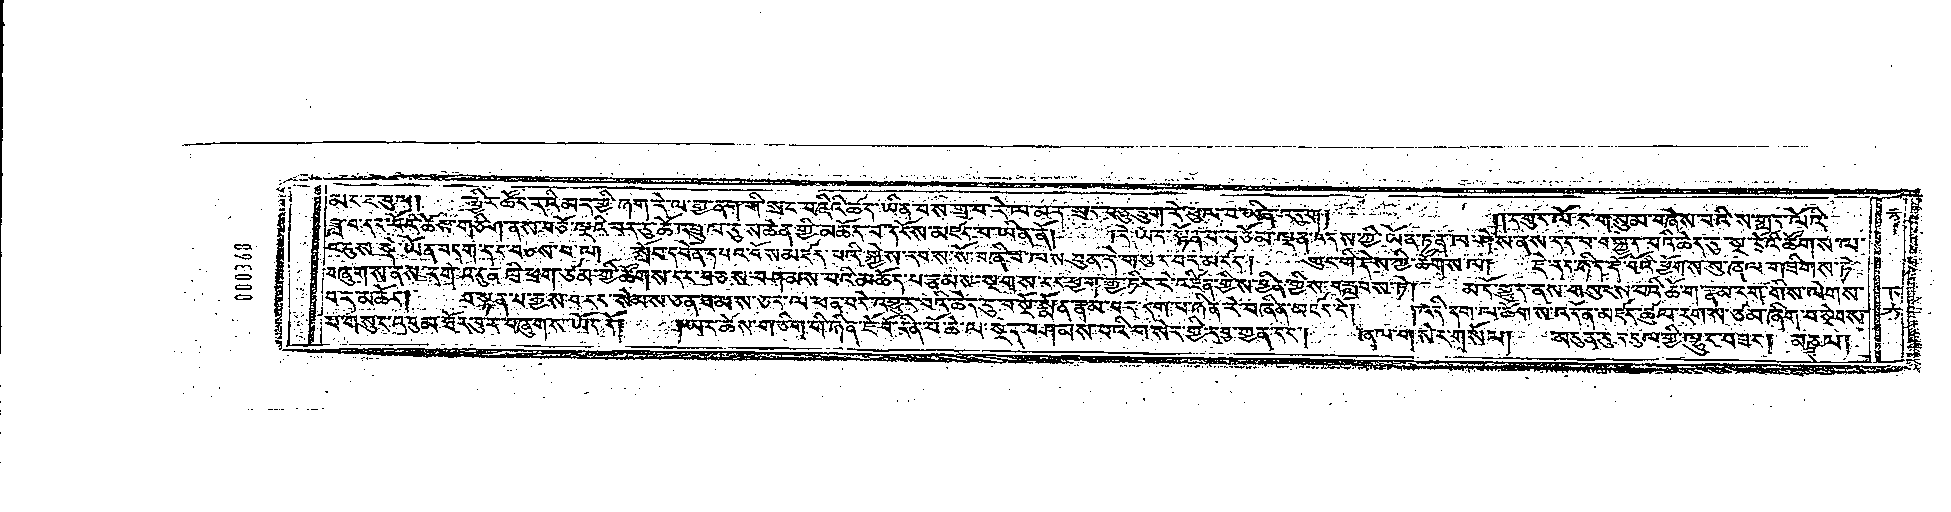མང་ཇ་བུལ། སྤྱིར་ཚོང་རའི་མར་གྱི་ཉག་རེ་ལ་རྒྱ་ནག་གི་སྲང་བཞིའི་ཚད་ཡིན་པས་གྲྭ་བ་རེ་ལ་མར་སྲང་བཅུ་དྲུག་རེ་ཕུལ་བ་ཡིན་འདུག། །།དགུང་ལོ་ད་གསུམ་པ་ཞེས་པའི་ས་གླང་ལོའི་
ཟླ་བ་དང་པོའི་ཚེས་གཅིག་ནས་བཅོ་ལྔའི་བར་དུ་ཆོ་འཕྲུལ་དུས་ཆེན་གྱི་མཆོད་པ་དངོས་མཛད་པ་ཡིན་ནོ། །དེ་ཡང་སྟོན་པ་བཅོམ་ལྡན་འདས་ཀྱི་ཡོན་ཏན་ཁ་ཤེས་ནས་དད་བ་བསྐྱེད་པའི་ཆེད་དུ་སྔ་དྲོའི་ཚོགས་ལ་
འདུས་སྡེ་ཡོན་བདག་དང་བཅས་པ་ལ། སློབ་དཔོན་དཔའ་བོས་མཛད་པའི་སྐྱེས་རབས་སོ་བཞི་བ་ལས་བུན་རེ་གསུང་པར་མཛད། གུང་གི་ཇེས་ཀྱི་ཚོགས་ལ། ཇེ་རང་ཉིད་ཇོ་བོའི་ཕྱོགས་སུ་ཞལ་གཟིགས་ཏེ་
བཞུགས་ནས་དགེ་འདུན་ཁྲི་ཕྲག་ཙམ་གྱི་ཚོགས་དང་བཅས་བཤམས་པའི་མཆོད་པ་རྣམས་སྔགས་དང་ཕྱག་རྒྱ་ཏིང་ངེ་འཛིན་གྱིས་བྱིན་གྱིས་བརླབས་ཏེ། མདོ་གྱུར་ནས་གསུངས་བའི་ཆོ་ག་རྣམ་དག་གིས་ལེགས་
བར་མཆོད། བསྟན་པ་རྒྱས་བ་དང་སེམས་ཅན་ཐམས་ཅད་ལ་ཕན་བདེ་འབྱུང་བའི་ཆེད་དུ་བསྔོ་སྨོན་རྣམ་པར་དག་པ་ཉིན་རེ་བཞིན་མཛད་དོ། །འདི་དག་ལ་ཚེགས་འདོན་མཛད་ཚུལ་རགས་ཙམ་ཞིག་བསྡེབས་
པ་གསུང་འབུམ་ཐོར་བུར་བཞུགས་ཡོད་དོ། །ཡང་ཆོས་གཅིག་གི་ཉིན་ཇོ་བོ་རིན་པོ་ཆེ་ལ་སྔར་བཤམས་པའི་གསེར་གྱི་དབུ་གྱན་དང་། ཞལ་གསེར་གསོལ། མདུན་དུ་དངུལ་གྱི་ལྷུང་བཟེད། མཎྜལ།